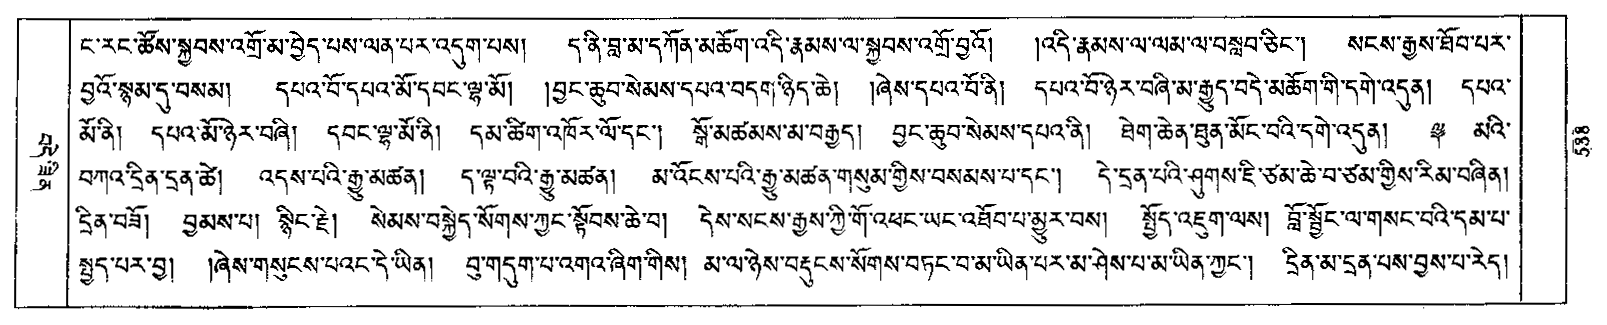ང་རང་ཚོས་སྐྱབས་འགྲོ་མ་བྱེད་པས་ལན་པར་འདུག་པས། ད་ནི་བླ་མ་དཀོན་མཆོག་འདི་རྣམས་ལ་སྐྱབས་འགྲོ་བྱའོ། །འདི་རྣམས་ལ་ལམ་ལ་བསླབ་ཅིང་། སངས་རྒྱས་ཐོབ་པར་
བྱའོ་སྙམ་དུ་བསམ། དཔའ་བོ་དཔའ་མོ་དབང་ལྷ་མོ། །བྱང་ཆུབ་སེམས་དཔའ་བདག་ཉིད་ཆེ། །ཞེས་དཔའ་བོ་ནི། དཔའ་བོ་ཉེར་བཞི་མ་རྒྱུད་བདེ་མཆོག་གི་དགེ་འདུན། དཔའ་
མོ་ནི། དཔའ་མོ་ཉེར་བཞི། དབང་ལྷ་མོ་ནི། དམ་ཚིག་འཁོར་ལོ་དང་། སྒོ་མཚམས་མ་བརྒྱད། བྱང་ཆུབ་སེམས་དཔའ་ནི། ཐེག་ཆེན་ཐུན་མོང་བའི་དགེ་འདུན། ༈ མའི་
བཀའ་དྲིན་དྲན་ཚེ། འདས་པའི་རྒྱུ་མཚན། ད་ལྟ་བའི་རྒྱུ་མཚན། མ་འོངས་པའི་རྒྱུ་མཚན་གསུམ་གྱིས་བསམས་པ་དང་། དེ་དྲན་པའི་ཤུགས་ཇི་ཙམ་ཆེ་བ་ཙམ་གྱིས་རིམ་བཞིན།
དྲིན་བཟོ། བྱམས་པ། སྙིང་རྗེ། སེམས་བསྐྱེད་སོགས་ཀྱང་སྟོབས་ཆེ་བ། དེས་སངས་རྒྱས་ཀྱི་གོ་འཕང་ཡང་འཐོབ་པ་མྱུར་བས། སྤྱོད་འཇུག་ལས། བློ་སྦྱོང་ལ་གསང་བའི་དམ་པ་
སྤྱད་པར་བྱ། །ཞེས་གསུངས་པའང་དེ་ཡིན། བུ་གདུག་པ་འགའ་ཞིག་གིས། མ་ལ་ཉེས་བརྡུངས་སོགས་བཏང་བ་མ་ཡིན་པར་མ་ཤེས་པ་མ་ཡིན་ཀྱང་། དྲིན་མ་དྲན་པས་བྱས་པ་རེད།